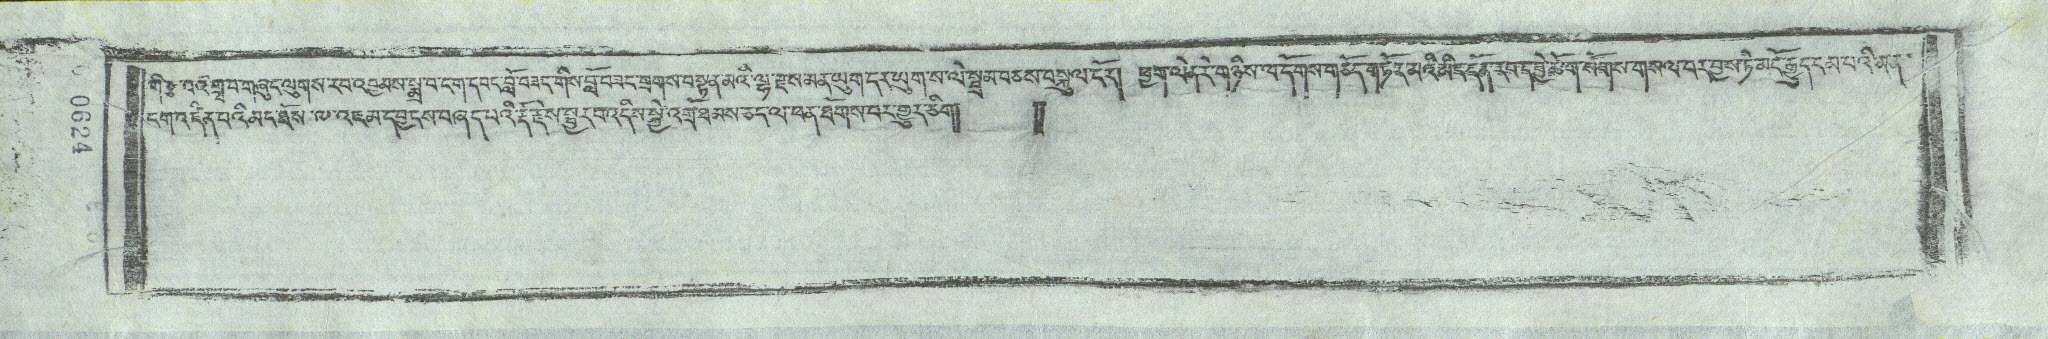གི་ཙ་བའི་གྲྭ་བ་གཞུང་ལུགས་རབ་འབྱམས་སྨྲ་བ་ངག་དབང་བློ་བཟང་གིས་བློ་བཟང་གྲགས་བསྟན་མའི་ལྷ་རྫས་མན་ཡུག་དར་ཡུག་ས་ལེ་སྦྲམ་བཅས་བསྐུལ་ངོར། ཕྱག་ལེན་རེ་གཉིས་ལ་དོགས་གཅོད་གཏོར་མའི་མིང་དོན་རབ་དབྱེ་ཚོག་སོགས་གསལ་བར་བྱས་ཏེ་མདོ་རྒྱུད་དམ་པའི་མན་
དག་འཛིན་པའི་མང་ཐོས་ལ་འཇམ་དབྱངས་བཞད་པའི་རྡོ་རྗེས་སྦྱར་བ་འདིས་སྐྱེ་འགྲོ་ཐམས་ཅད་ལ་ཕན་ཐོགས་པར་གྱུར་ཅིག། །